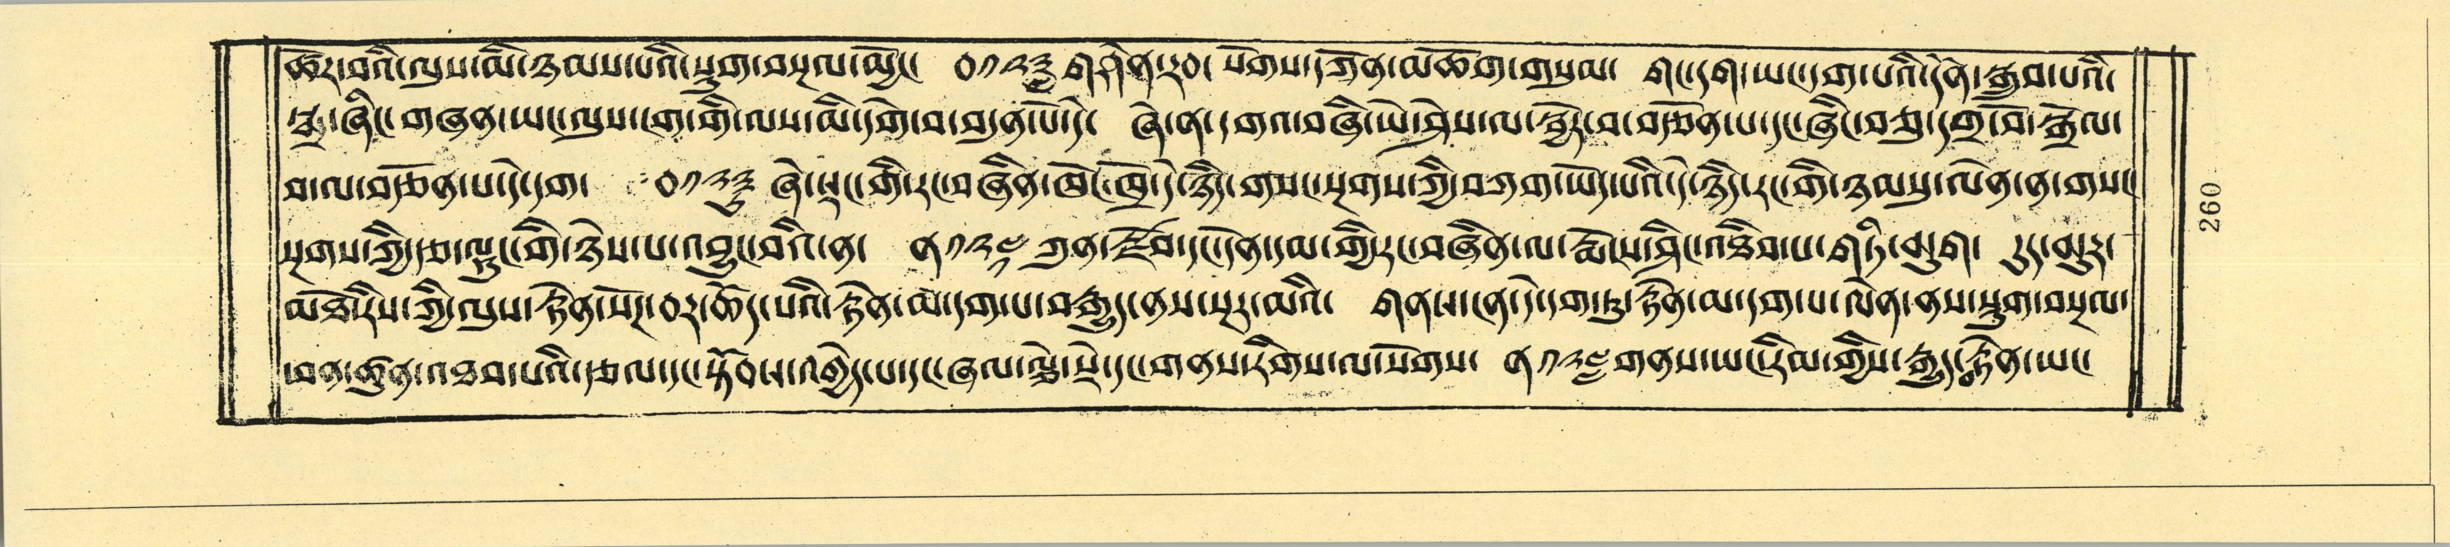ཚོར་བའི་ལུས་མི་ཉམས་པའི་སྡུག་བསྔལ་མྱོང། བ༡༢༣།༤ ༼གཤེན་རབ་༽སོགས་དཀོན་མཆོག་གསུམ་ ༼གང་དག་༽ཡང་དག་པའི་ ༼དོན་༽སྒྲུབ་པའི་ 
༼སྨྲ་ཞིང་༽གཞན་ཡང་ལུས་ངག་གི་ལས་མི་དགེ་བ་བདུན་པོ་དེ། ༼ཞེ་ན་༽དགའ་བཞི་ཡེ་ཤེས་ལ་སྦྱོར་བ་བརྩོན་པ་དང་ཞིང་བཅུ་དགྲ་བོ་སྒྲོལ་
བ་ལ་བརྩོན་པ་དེ་དག བ༡༢༣།༦ ༼ཞེ་སྡང་༽གི་རང་བཞིན་ཁོང་ཁྲོ་དེ་ཉིད་གསང་སྔགས་ཀྱི་བཀག་ཡོད་པའི་དེ་ཉིད་རང་གི་ཉམས་སུ་ལེན་ན་གསང་
སྔགས་ཀྱི་རྩ་ལྟུང་གི་ཉེས་པ་འབྱུང་བའི་ན། ན༡༢༤།༡ ཀུན་རྫོབ་དང་དོན་དམ་གྱི་རང་བཞིན་ལ་རྨོངས་ཤིང་འཐིབ་པ་ ༼གཏི་མུག་༽ ༼དུད་མུར་༽
མཐོ་རིས་ཀྱི་ལུས་རྟེན་སོགས་༼བར་ཆོད་༽པའི་རྟེན་མ་དག་པ་བརྒྱུད་ནས་སྔར་མའི་ ༼གནས་ངན་༽དེ་དག་ཏུ་རྟེན་མ་དག་པ་ལ་ ༼ལེན་༽ནས་སྡུག་བསྔལ་
ཕན་ཚུན་འཐབ་པའི་རྩལ་དང་ ༼སྟོབས་འགྱེད་པ་༽དང་ཞལ་ལྕེ་སྡེ་དང་གནས་རིགས་ལ་སོགས་ན༡༢༤།༤ གནས་ཡང་རིམ་གྱིས་རྒྱུད་བརྟེན་ཡང་